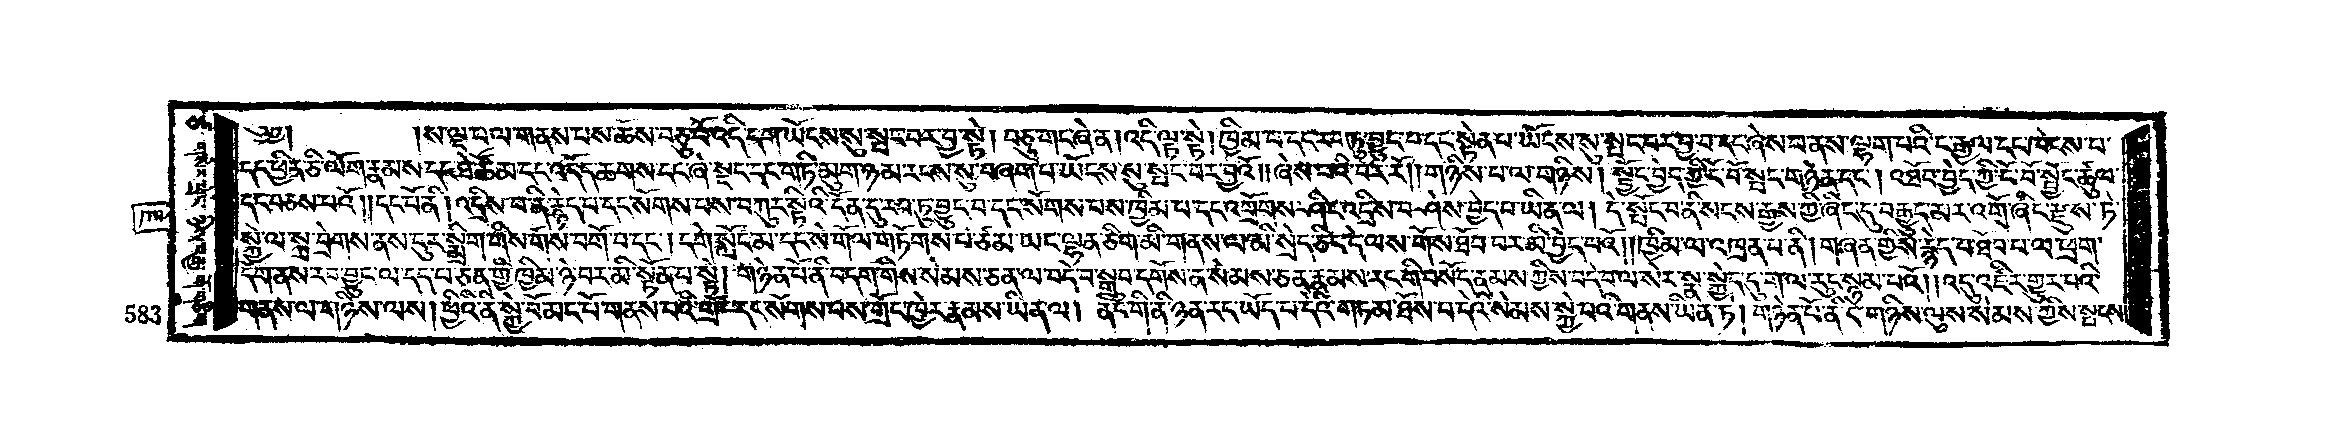༄༅། །ས་ལྔ་པ་ལ་གནས་པས་ཆོས་བཅུ་པོ་འདི་དག་ཡོངས་སུ་སྤང་བར་བྱ་སྟེ། བཅུ་གང་ཞེ་ན། འདི་ལྟ་སྟེ། ཁྱིམ་པ་དང་རབ་ཏུ་བྱུང་བ་དང་སྟེན་པ་ཡོངས་སུ་སྤང་བར་བྱ་བ་དང་ཞེས་པ་ནས་ལྷག་པའི་ང་རྒྱལ་དང་ཁེངས་པ་
དང་ཕྱིན་ཅི་ལོག་རྣམས་དང་ཐེ་ཚོམ་དང་འདོད་ཆགས་དང་ཞེ་སྡང་དང་གཏི་མུག་ཉམ་རངས་སུ་བཞག་པ་ཡོངས་སུ་སྤང་བར་བྱའོ། །ཞེས་པའི་བར་རོ། །གཉིས་པ་ལ་གཉིས། སྦྱོང་བྱེད་ཀྱི་ངོ་བོ་སྤང་གཉེན་དང་། འཐོབ་བྱེད་ཀྱི་ངོ་བོ་སྦྱོང་ཚུལ་
དང་བཅས་པའོ། །དང་པོ་ནི། འདྲིས་པ་ནི་རྙེད་པ་དང་སོགས་པས་བཀུར་སྟིའི་དོན་དུ་རབ་ཏུ་བྱུང་བ་དང་སོགས་པས་ཁྱིམ་པ་དང་འགྲོགས་ཤིང་འདྲིས་བཤེས་བྱེད་པ་ཡིན་ལ། དེ་སྤོང་བ་ནི་སངས་རྒྱས་ཀྱི་ཞིང་དུ་བརྒྱུད་མར་འགྲོ་ཞིང་རྫུས་ཏེ་
སྐྱེ་ལ་སྐྲ་བྲེགས་ནས་ངུར་སྨྲིག་གིས་གོས་བགོ་བ་དང་། དགེ་སློང་མ་དང་སེ་གོལ་གཏོགས་པ་ཙམ་ཡང་ལྷན་ཅིག་མི་གནས་ལ་མི་སྲིད་ཅིང་དེ་ལས་གོས་ཐོབ་པར་མི་བྱེད་པའོ། །ཁྱིམ་ལ་འཁྲན་པ་ནི། གཞན་གྱིས་རྙེད་པ་ཐོབ་པ་ལ་ཕྲག་
དོག་ནས་རབ་བྱུང་ལ་དད་པ་ཅན་གྱི་ཁྱིམ་ཉེ་བར་མི་སྟོན་པ་སྟེ། གཉེན་པོ་ནི་བདག་གིས་སེམས་ཅན་ལ་བདེ་བ་སྒྲུབ་དགོས་ན་སེམས་ཅན་རྣམས་རང་གི་བསོད་ནམས་ཀྱིས་བདེ་བ་ལ་སེར་སྣ་སྐྱེད་དུ་ག་ལ་རུང་སྙམ་པའོ། །འདུ་འཛིར་གྱུར་པའི་
གནས་ལ་གཉིས་ལས། ཕྱིའི་ནི་སྐྱེ་བོ་མང་པོ་གནས་པའི་གྲོང་དང་སོགས་པས་གྲོང་ཁྱེར་རྣམས་ཡིན་ལ། ནང་གི་ནི་ཉན་རང་ཡོད་པ་དེའི་གཏམ་ཐོས་པ་དེའི་སེམས་སྐྱེ་བའི་གནས་ཡིན་ཏེ། གཉེན་པོ་ནི་དེ་གཉིས་ལུས་སེམས་ཀྱིས་སྤངས་